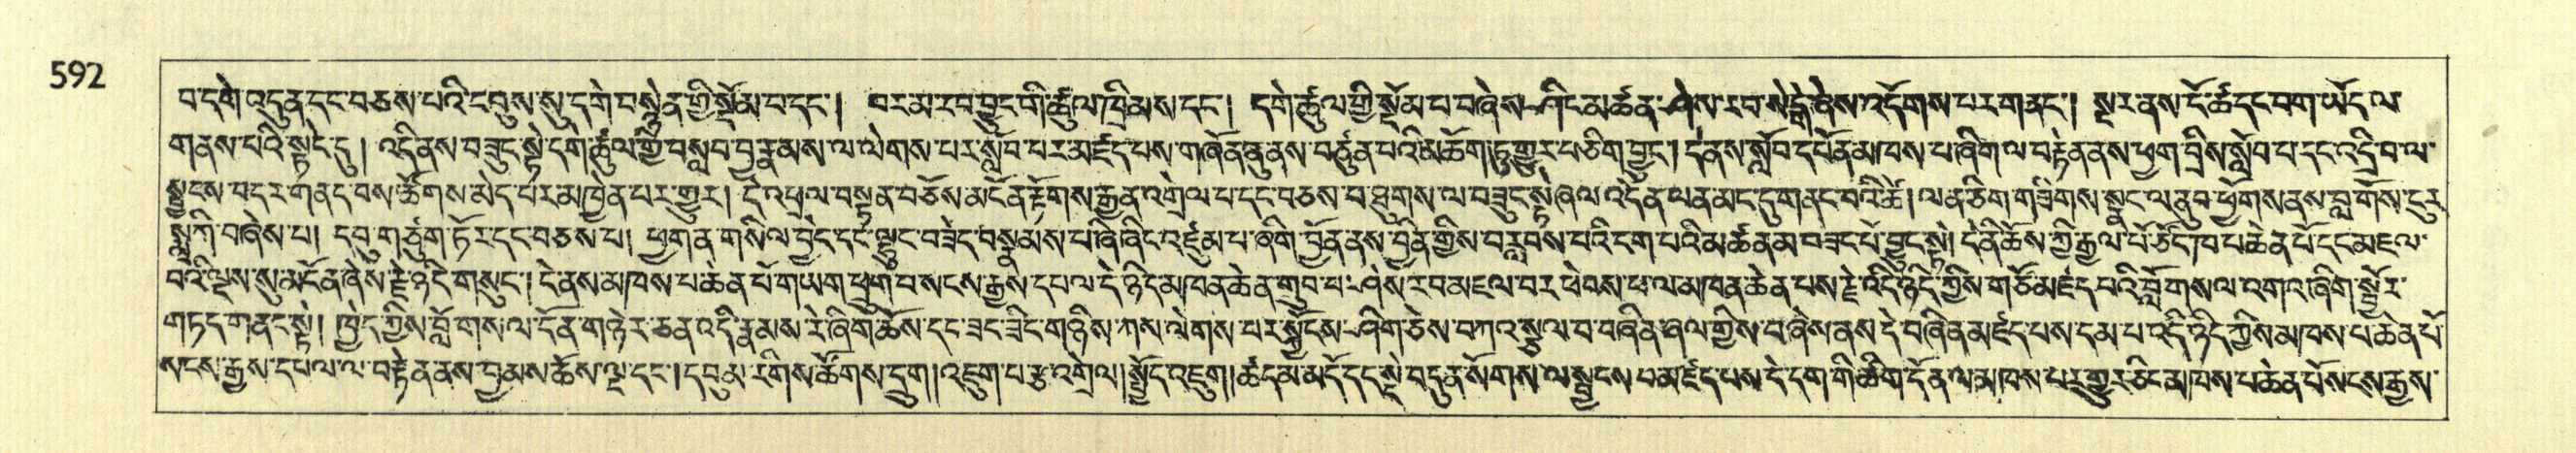བ་དགེ་འདུན་དང་བཅས་པའི་དབུས་སུ་དགེ་བསྙེན་གྱི་སྡོམ་པ་དང་། བར་མ་རབ་བྱུང་གི་ཚུལ་ཁྲིམས་དང་། དགེ་ཚུལ་གྱི་སྡོམ་པ་བཞེས་ཤིང་མཚན་ཤེས་རབ་སེངྒེ་ཞེས་འདོགས་པར་གནང་། སྔར་ནས་ངོ་ཚ་དང་བག་ཡོད་ལ་
གནས་པའི་སྟེང་དུ། འདི་ནས་བཟུང་སྟེ་དགེ་ཚུལ་གྱི་བསླབ་བྱ་རྣམས་ལ་ལེགས་པར་སློབ་པར་མཛད་པས་གཞོན་ནུ་ནས་བཙུན་པའི་མཆོག་ཏུ་གྱུར་པ་ཅིག་བྱུང་། དེ་ནས་སློབ་དཔོན་མཁས་པ་ཞིག་ལ་བརྟེན་ནས་ཕྱག་བྲིས་སློབ་པ་དང་འདྲི་བ་ལ་
སྦྱངས་བདར་གནང་བས་ཚོགས་མེད་པར་མཁྱེན་པར་གྱུར། དེ་འཕྲལ་བསྟན་བཅོས་མངོན་རྟོགས་རྒྱན་འགྲེལ་པ་དང་བཅས་པ་ཐུགས་ལ་བཟུང་སྟེ་ཞལ་འདོན་ལན་མང་དུ་གནང་བའི་ཚེ། ལན་ཅིག་གཟིགས་སྣང་ལ་ནུབ་ཕྱོགས་ནས་བླ་གོས་དུར་
སྨྲིག་བཞེས་པ། དབུ་གཙུག་ཏོར་དང་བཅས་པ། ཕྱག་ན་གསིལ་བྱེད་དང་ལྷུང་བཟེད་བསྣམས་པ་ཞི་ཞིང་འཛུམ་པ་ཞིག་བྱོན་ནས་བྱིན་གྱིས་བརླབས་པའི་གནང་པའི་མཚན་མ་བཟང་པོ་བྱུང་སྟེ། དེ་ནི་ཆོས་ཀྱི་རྒྱལ་པོ་ཙོང་ཁ་པ་ཆེན་པོ་དང་མཇལ་
བའི་ལྔས་སུ་མངོན་ཞེས་རྗེ་ཉིད་གསུང་། དེ་ནས་མཁས་པ་ཆེན་པོ་གཡས་ཕྲུག་བ་སངས་རྒྱས་དཔལ་དེ་ཉིད་མཁན་ཆེན་གྲུབ་པ་ཤེས་རབ་མཇལ་བར་ཕེབས་པ་ལ་མཁན་ཆེན་པས་རྗེ་འདི་ཉིད་ཀྱིས་གཙོ་མཛད་པའི་བློ་གསལ་འགའ་ཞིག་སྦྱོར་
གཏད་གནང་སྟེ། ཁྱེད་ཀྱིས་བློ་གསལ་དོན་གཉེར་ཅན་འདི་རྣམས་རེ་ཞིག་ཆོས་དང་ཟང་ཟིང་གཉིས་ཀས་ལེགས་པར་སྐྱོངས་ཤིག་ཅེས་བཀའ་སྩལ་བ་བཞིན་ཞལ་གྱིས་བཞེས་ནས་དེ་བཞིན་མཛད་པས་དམ་པ་འདི་ཉིད་ཀྱིས་མཁས་པ་ཆེན་པོ་
སངས་རྒྱས་དཔལ་ལ་བརྟེན་ནས་བྱམས་ཆོས་ལྔ་དང་། དབུམ་རིགས་ཚོགས་དྲུག། འཇུག་པ་རྩ་འགྲེལ། སྤྱོད་འཇུག། ཚད་མ་མདོ་དང་སྡེ་བདུན་སོགས་ལ་སྦྱངས་པ་མཛད་པས་དེ་དག་གི་ཚིག་དོན་ལ་མཁས་པར་གྱུར་ཅིང་མཁས་པ་ཆེན་པོ་སངས་རྒྱས་